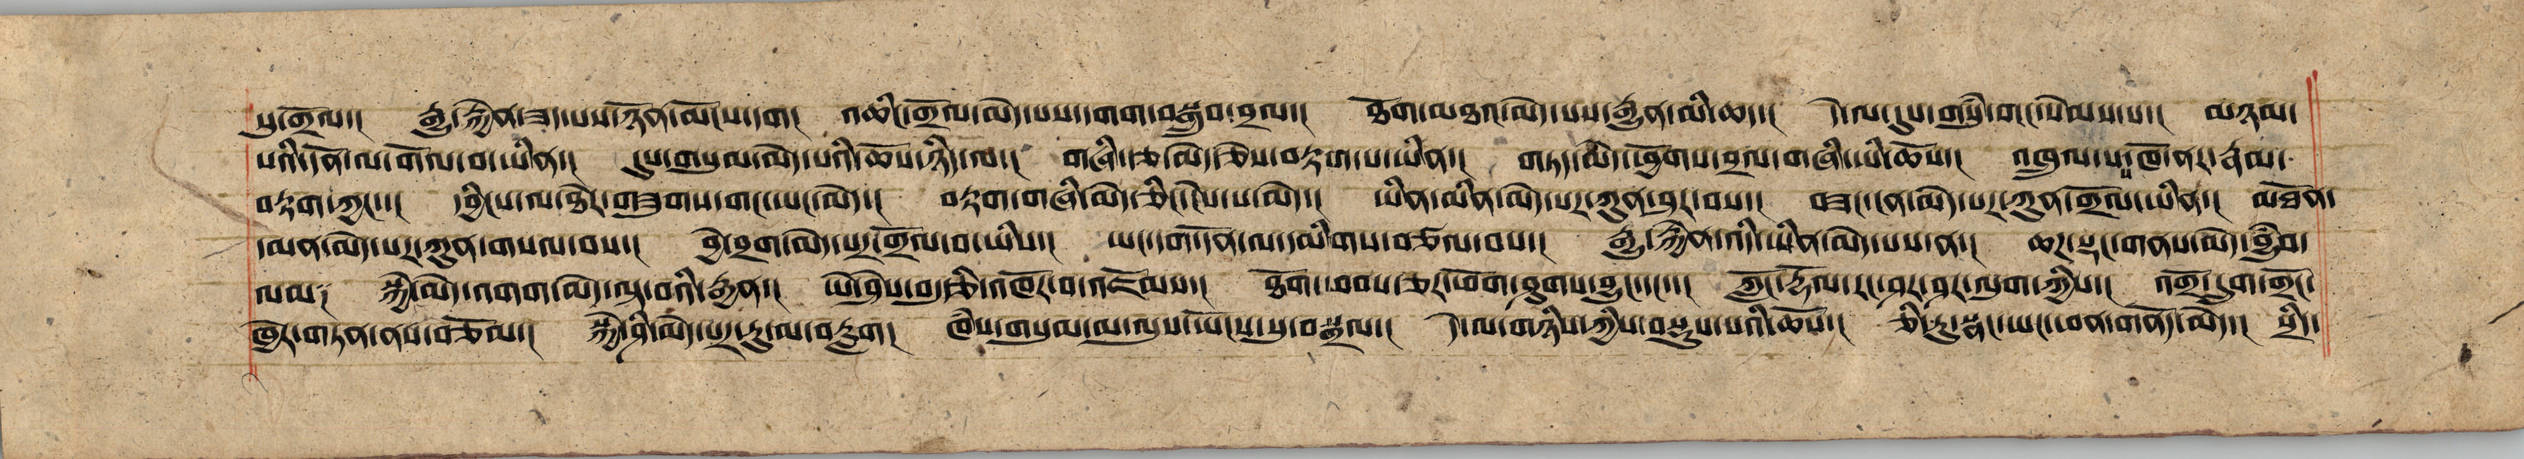སུ་གྲོལ་། རྒྱུ་རྐྱེན་ཟད་པས་ཉོན་མོངས་དག། འཆིང་གྲོལ་མེད་པས་དགག་བསྒྲུབ་བྲལ་། ཐོག་མཐའ་མེད་པས་རྒྱུན་མི་ཆད་། དེ་ལ་དུས་གསུཾ་གང་སེམས་པ་། མཉམ་
པའི་དོན་ལ་གོལ་བ་ཡིན་། དུས་གསུམ་མེད་པའི་ཆོས་ཉིད་ལ་། གཞི་རྩ་མེད་ཅེས་བརྟག་པ་ཡིན་། གཏད་མེད་ཕྱོགས་བྲལ་གཞི་ཡི་ཆོས་། འཁྲུལ་པས་ཁོ་ནར་རྣམ་
བརྟག་ཀྱང་་། དབྱིངས་ལ་ཐེར་གཟུགས་གང་ཡང་མེད་། བརྟག་གཞི་མེད་ཅིང་ངེས་པ་མེད་། ཡིན་མིན་མེད་པར་ཀུན་ཤར་བས་། བཟང་ངན་མེད་པར་ཀུན་གྲོལ་ཡིན་། མཐོན་
དམན་མེད་པར་ཀུན་གསལ་བས་། བྱེ་བྲག་མེད་པར་གྲོལ་བ་ཡིས་། ཡང་དག་དོན་ལ་དམིགས་བཙལ་བས་། རྒྱུ་རྐྱེན་འདི་ཡིན་མེད་པས་ན་། ཆཌ་སྡང་གནས་མེད་བྱུཾབ་
ལམ༑ སྐྱེ་མེད་འགག་མེད་ལྟ་བའི་རྒྱན་། ཡེ་ཤེས་བདུརྩི་འཁོར་བ་འཇོམས་། ཐོག་ཕབས་ཅར་ཕོག་ཤུགས་བྱུང་དང་་། ཀློང་རྡོལ་རང་ཤར་ཤར་ལུག་ཀྱིས་། འགྲོ་དྲུག་གྲོང་
ཁྱེར་གཏན་ནས་བཅོམ་། སྐྱེ་ཤི་མེད་པར་རུ་མ་བརླག། ཁཾས་གསུམ་མ་ལུས་ཡོངས་སུ་བསྒྲལ་། དེ་ལ་གཉིས་ཀྱིས་བསྡུས་པའི་ཆོས་། ཅི་རུ་སྣང་ཡང་ཕན་གནོད་མེད་། སྲིད་